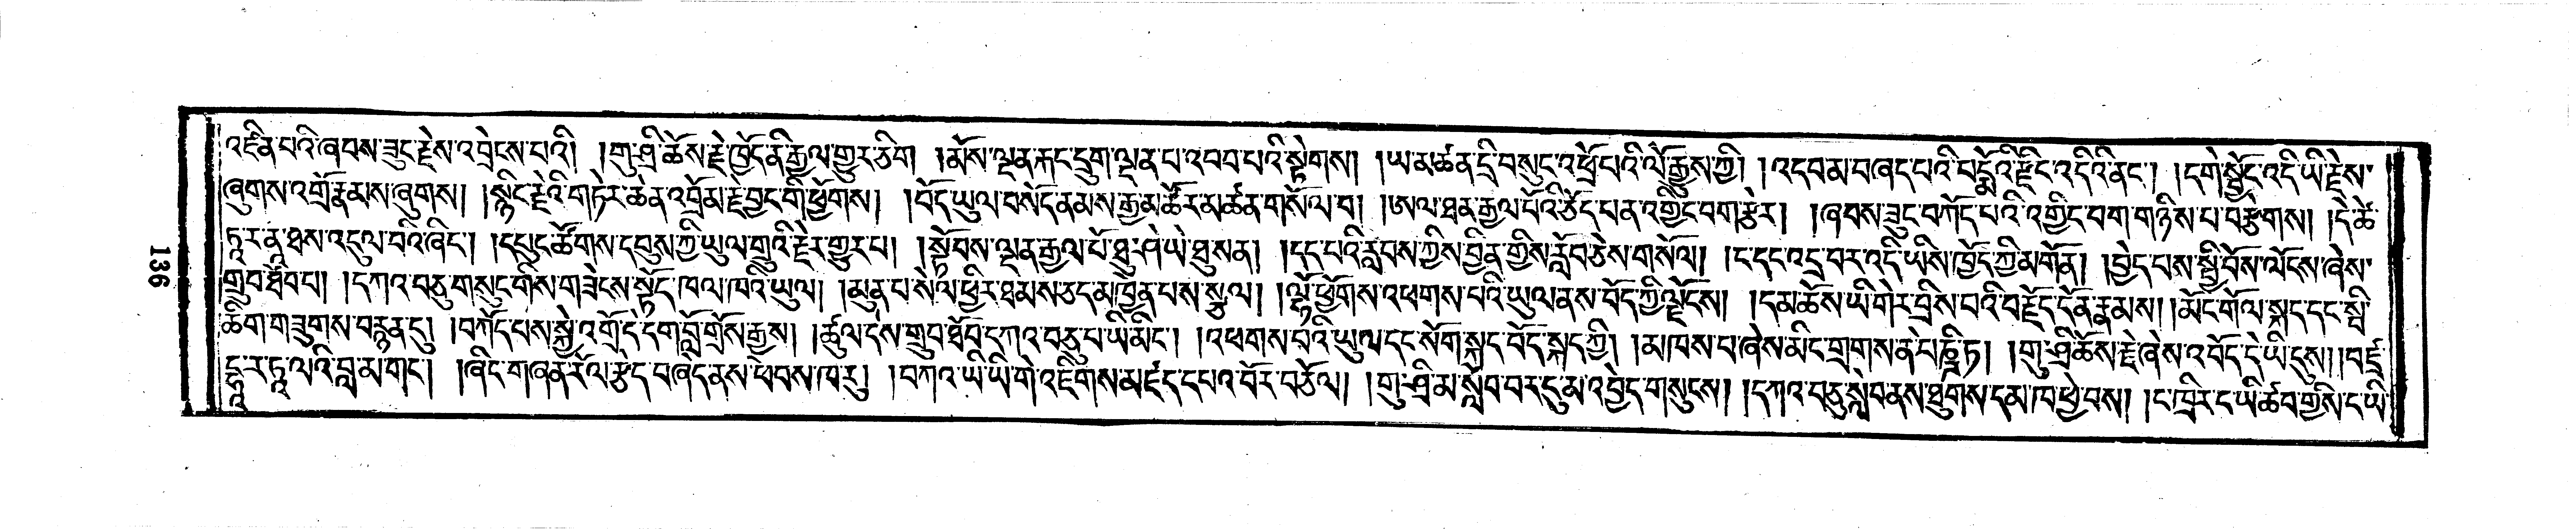འཛིན་པའི་ཞབས་ཟུང་རྗེས་འབྲེངས་པའི། །གུ་ཤྲི་ཆོས་རྗེ་ཁྱོད་ནི་རྒྱལ་གྱུར་ཅིག །མོས་ལྡན་རྐང་དྲུག་ལྡན་པ་འབབ་པའི་སྟེགས། །ཡ་མཚན་དྲི་བསུང་འཕྲོ་པའི་ལོ་རྒྱུས་ཀྱི། །འདབ་མ་བཞད་པའི་པདམོའི་རྫིང་འདིའི་ནང་། །དགེ་སྦྱོང་འདི་ཡི་རྗེས་
ཞུགས་འགྲོ་རྣམས་ཞུགས། །སྙིང་རྗེའི་གཏེར་ཆེན་འབྲོམ་རྗེ་བྱང་གི་ཕྱོགས། །བོད་ཡུལ་བསོད་ནམས་རྒྱ་མཚོར་མཚན་གསོལ་བ། །ཨལ་ཐན་རྒྱལ་པོའི་ཅོད་པན་འགྱིང་བག་རྩེར། །ཞབས་ཟུང་བཀོད་པའི་འགྱིང་བག་གཉིས་པ་བརྩེགས། །དེ་ཚེ་
ཏཱ་ར་ནཱ་ཐས་འདུལ་བའི་ཞིང་། །དཔུང་ཚོགས་དབུས་ཀྱི་ཡུལ་གྲུའི་རྗེར་གྱུར་པ། །སྟོབས་ལྡན་རྒྱལ་པོ་ཐུ་ཤེ་ཡེ་ཐུ་སན། །དད་པའི་རླབས་ཀྱིས་བྱིན་གྱིས་རློབ་ཅེས་གསོལ། །ང་དང་འདྲ་བར་འདི་ཡིས་ཁྱོད་ཀྱི་མགོན། །བྱེད་པས་སྦྱི་བོས་ལོངས་ཞེས་
གྲུབ་ཐོབ་པ། །དཀའ་བཅུ་གསུང་གིས་གཟེངས་སྟོད་ཁལ་ཁའི་ཡུལ། །མུན་པ་སེལ་ཕྱིར་ཐམས་ཅད་མཁྱེན་པས་སྩལ། །ལྷོ་ཕྱོགས་འཕགས་པའི་ཡུལ་ནས་བོད་ཀྱི་ལྗོངས། །དམ་ཆོས་ཡི་གེར་བྲིས་བའི་བརྗོད་དོན་རྣམས། །མོང་གོལ་སྐད་དང་སྦི་
ཆིག་གཟུགས་བརྙན་དུ། །བཀོད་པས་སྐྱེ་འགྲོ་དེ་དག་བློ་གྲོས་རྒྱས། །ཚུལ་དེས་གྲུབ་ཐོབ་དཀའ་བཅུ་པ་ཡི་མིང་། །འཕགས་བའི་ཡུལ་དང་སོག་སྐད་བོད་སྐད་ཀྱི། །མཁས་པ་ཞེས་མིང་གྲགས་ནེ་པཎྜི་ཏ། །གུ་ཤྲི་ཆོས་རྗེ་ཞེས་འབོད་དེ་ཡི་དུས། །བཛྲ་
དྷཱ་ར་ཏཱ་ལའི་བླ་མ་གང་། །ཞིང་གཞན་རོལ་རྩེད་བཞེད་ནས་ཕེབས་ཁ་རུ། །བཀའ་ཡི་ཡི་གེ་འཇིགས་མཛད་དཔའ་བོར་བཅོལ། །གུ་ཤྲི་མ་སློབ་བར་དུ་མ་འབྱེད་གསུངས། །དཀའ་བཅུ་སླེབ་ནས་ཐུགས་དམ་ཁ་ཕྱེ་བས། །ང་ཁྲིར་ང་ཡི་ཚབ་གྱིས་ང་ཡི་